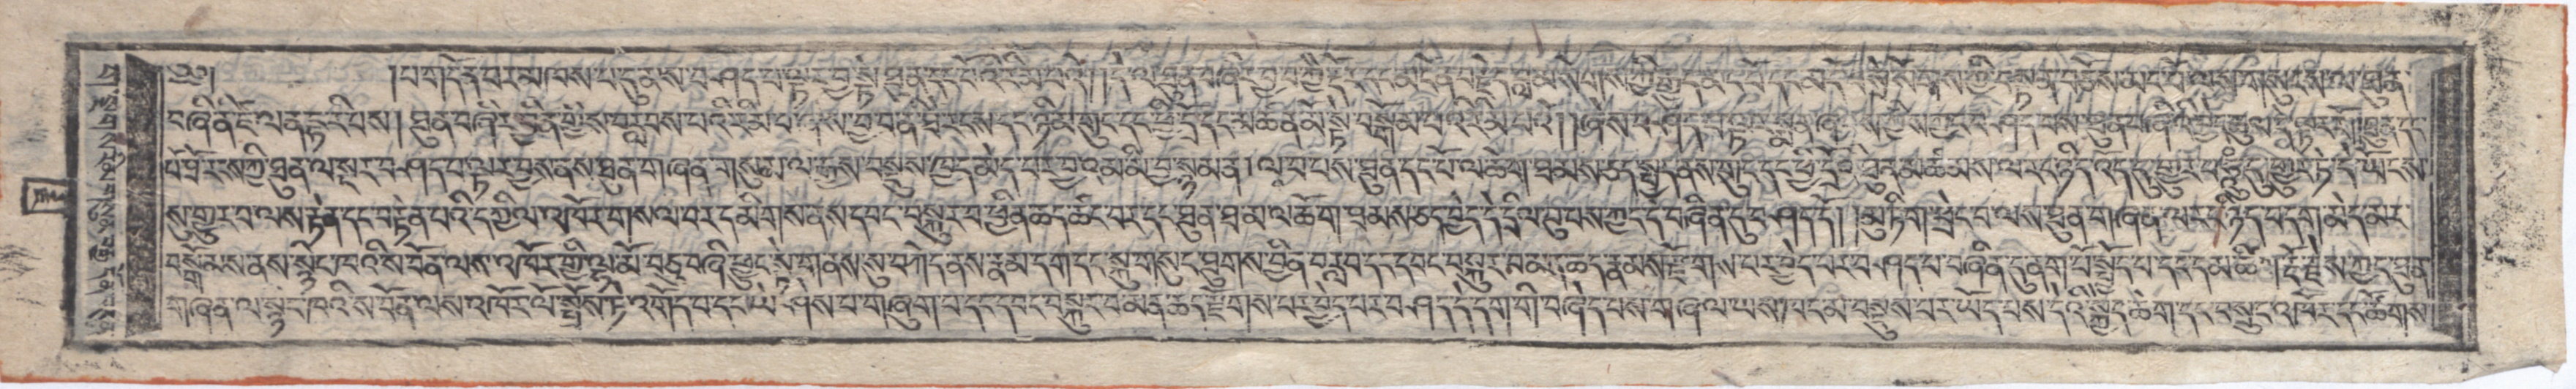༄༅། །པ་གདོན་པར་མཁས་པ་དུ་མས་བཤད་པ་ལྟར་བྱ་སྟེ་ཐུན་དང་པོའི་རིམ་པའོ། །དེ་ལ་ཐུན་བཞིར་བྱ་བ་ཀྱཻ་རྡོར་དང་མངོན་བརྗོད་བླ་མ་སོགས་ཀྱི་རྒྱུད་མང་པོ་དང་མདོ་བསྲེ་སོགས་ཀྱི་བསྟན་བཅོས་མང་པོ་ལས་གསུངས་ལ་ཐུན་
བཞི་ནི་ཛ་ལན་དྷ་རི་པས། ཐུན་བཞིར་བྱིན་གྱིས་བརླབས་པའི་རིམ་པ་ཞེས་བྱ་བ་ནི་ཐེ་རངས་དང་ཉི་མ་གུང་དང་ཕྱི་དྲོ་དང་མཚན་མོ་སྟེ་བསྒོམ་པའི་རིམ་པའོ། །ཞེས་བཤད་པ་ལྟར་སྨན་ཞབས་ཀྱིས་ཀྱང་བཤད་པས་ཐུན་བཞིའི་བྱེད་ཚུལ་དེ་ལྟར་རོ། །ཐུན་དང་
པོ་ཐོ་རངས་ཀྱི་ཐུན་ལ་སྔར་བཤད་པ་ལྟར་བྱས་ནས་ཐུན་གཞན་གསུམ་ལ་རྒྱས་བསྡུས་ཁྱད་མེད་པར་བྱ་འམ་མི་བྱ་སྙམ་ན། ལྭ་བ་པས་ཐུན་དང་པོ་ལ་ཆོ་ག་ཐམས་ཅད་སྤྱད་ནས་གུང་དང་ཕྱི་དྲོའི་ཐུན་མཚམས་ལ་རང་ཉིད་འོད་དུ་གྱུར་པ་ཧཱུཾ་དུ་གྱུར་ཏེ་དེ་ཡོངས་
སུ་གྱུར་པ་ལས་རྟེན་དང་བརྟེན་པའི་དཀྱིལ་འཁོར་གསལ་བར་དམིགས་ནས་དབང་བསྐུར་བ་ཕྱིན་ཆད་ཚང་བར་དང་ཐུན་ཐ་མ་ལ་ཆོ་ག་ཐམས་ཅད་བྱེད་དེ་དྲིལ་བུ་པས་ཀྱང་དེ་བཞིན་དུ་བཤད་དོ། །མུ་ཏིག་ཕྲེང་བ་ལས་ཐུན་གཞན་ལ་རང་ཉིད་བདག་མེད་མར་
བསྒོམས་ནས་སྙིང་ཁའི་ས་བོན་ལས་འཁོར་གྱི་ལྷ་མོ་བཅུ་བཞི་ཕྱུང་སྟེ་གནས་སུ་བཀོད་ནས་རྣམ་དག་དང་སྐུ་གསུང་ཐུགས་བྱིན་བརླབ་དང་དབང་བསྐུར་བ་མན་ཆད་རྣམས་རྫོགས་པར་བྱེད་པར་བཤད་པ་བཞིན་དུ་ནག་པོ་སྤྱོད་པ་དང་དམ་ཚིག་རྡོ་རྗེས་ཀྱང་ཐུན་
གཞན་ལ་སྙིང་ཁའི་ས་བོན་ལས་འཁོར་ལོ་སྤྲོས་ཏེ་འགོད་པ་དང་ཡེ་ཤེས་པ་གཞུག་པ་དང་དབང་བསྐུར་བ་མན་ཆད་རྫོགས་པར་བྱེད་པར་བཤད་དེ་དག་གི་བཞེད་པས་གཞལ་ཡས་ཁང་མ་བསྡུས་པར་ཡོད་པས་དེའི་སྐྱེད་ཆོག་དང་བསྲུང་འཁོར་དང་ཚོགས་